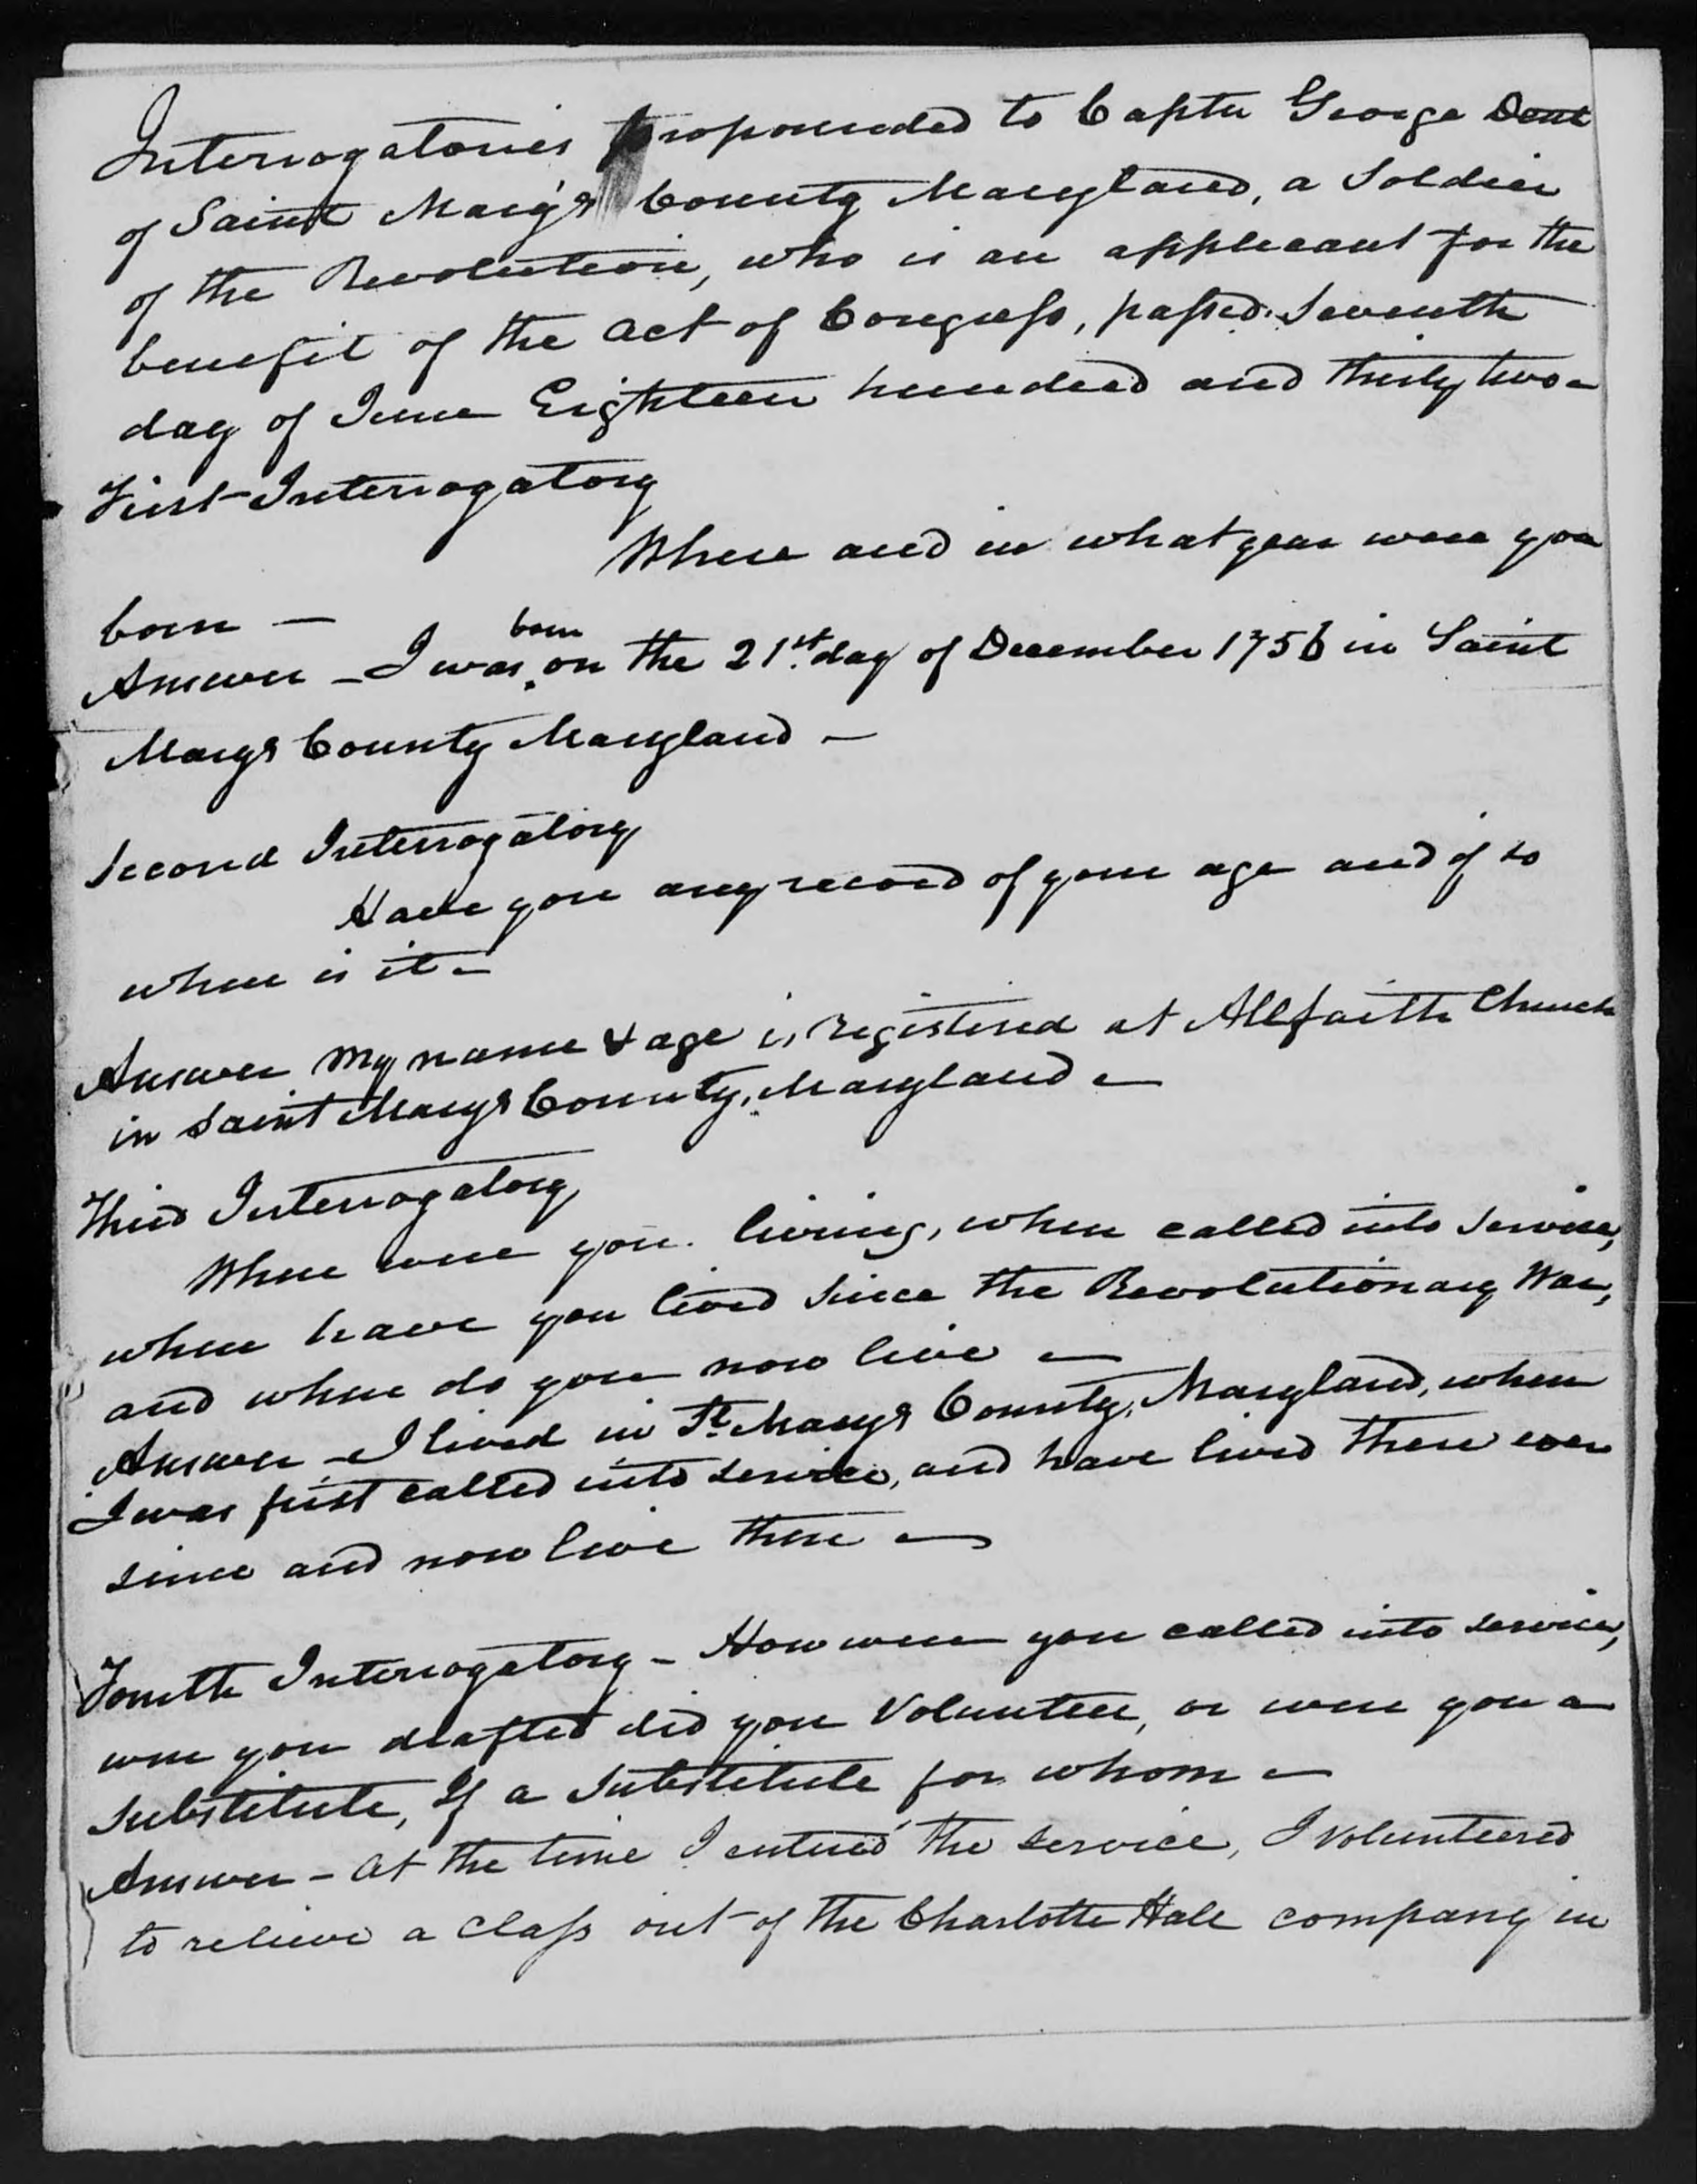Interrogatories [illegible] to Captn George Dent of Saint Mary's County Maryland, a Soldier of the Revolution, who is an applicant for the benefit of the act of Congress, passed seventh day of June Eighteen hundred and thirty two-
First interrogatory
Where and in what year were you born - 
Answer - I was [next word inserted] born on the 21st day of December 1756 in Saint Marys County Maryland-
Second Interrogatory
Have you any record of your age and if so where is it - 
Answer My name & age is registered ae Allfaith Church in Saint Marys County, Maryland-
Third Interrogatory
Where were you living, when called into service, where have you lived since the Revolutionary War, and where do you now live - 
Answer - I lived in St Marys County, Maryland, when I was first called into service, and have lived there ever since and now live there-
Fourth Interrogatory - How were you called into service, were you drafted did you Volunteer, or were you a substitute, if a substitute for whom - 
Answer - At the time I entered the service, I volunteered to relieve a class out of the Charlotte Hall company in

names: George Dent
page: 7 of 49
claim: survivor's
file: S. 12755, George Dent, Md.